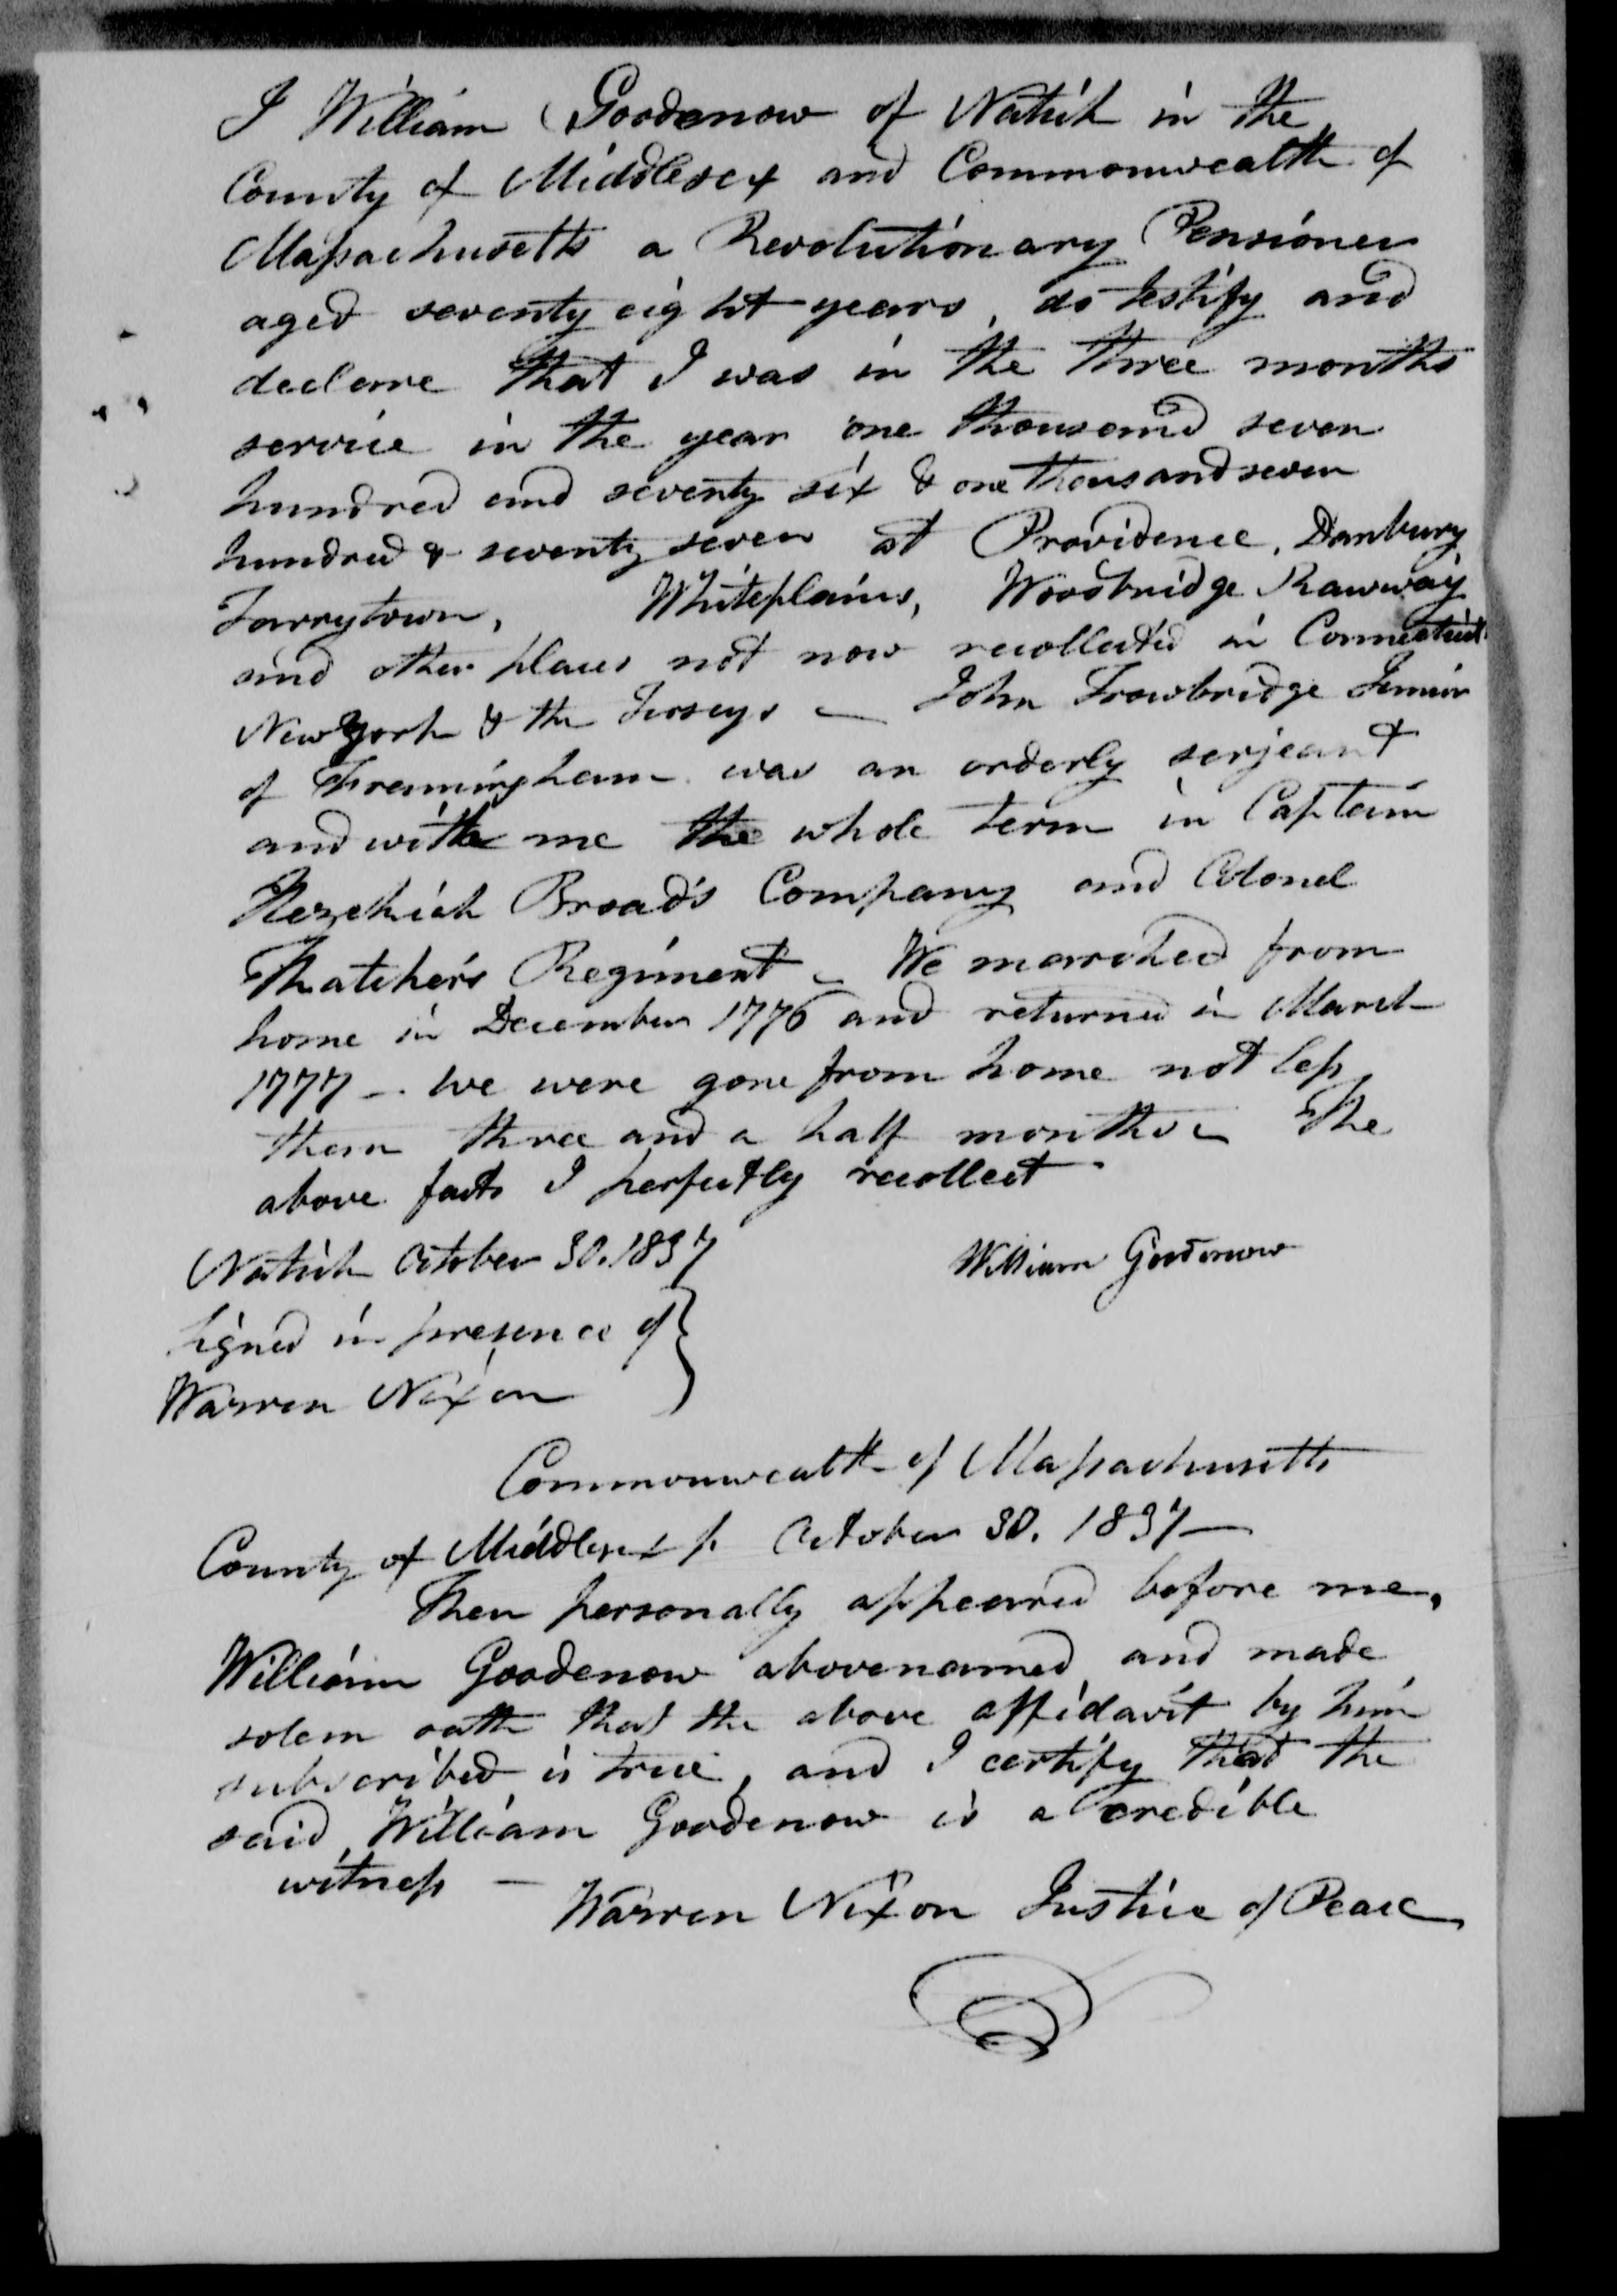I William Goodenow of Natick in the
County of Middlesex and Commonwealth of
Massachusetts a Revolutionary Pensioner
aged seventy eight years, do testify and
declare that I was in the three months
service in the year one thousand seven
hundred and seventy six & one thousand seven
hundred & seventy seven at Providence, Danbury, Tarrytown,
Whiteplains, Woodbridge Rawway
and other places not now recollected in Connecticut
New York & the Jerseys.  John Trowbridge Junior
of Framingham was an orderly serjeant
and with me the whole term in Captain
Hezekiah Broad's Company and Colonel
Thatcher's Regiment. We marched from
home in December 1776 and returned in March 1777. we were gone from home not less
them three and a half months. The
above facts I perfectly recollect
Natick October 30,1837
William Goodenow
Signed in presence of
Warren Nixon

Commonwealth of Massachusetts
County of Middlesex & October 30. 1837-
Then personally appeared before me
William Goodenow above named, and made
solemn oath that the above affidavit by him
subscribed is true, and I certify that the
said William Goodenow is a credible
witness-
Warren Nixon Justice of Peace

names: Warren Nixon, William Goodenow, John Trowbridge, William Goodenow, William Goodenow, William Goodenow, Warren Nixon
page: 31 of 34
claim: widow's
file: W. 15439, John Trowbridge, Mass.